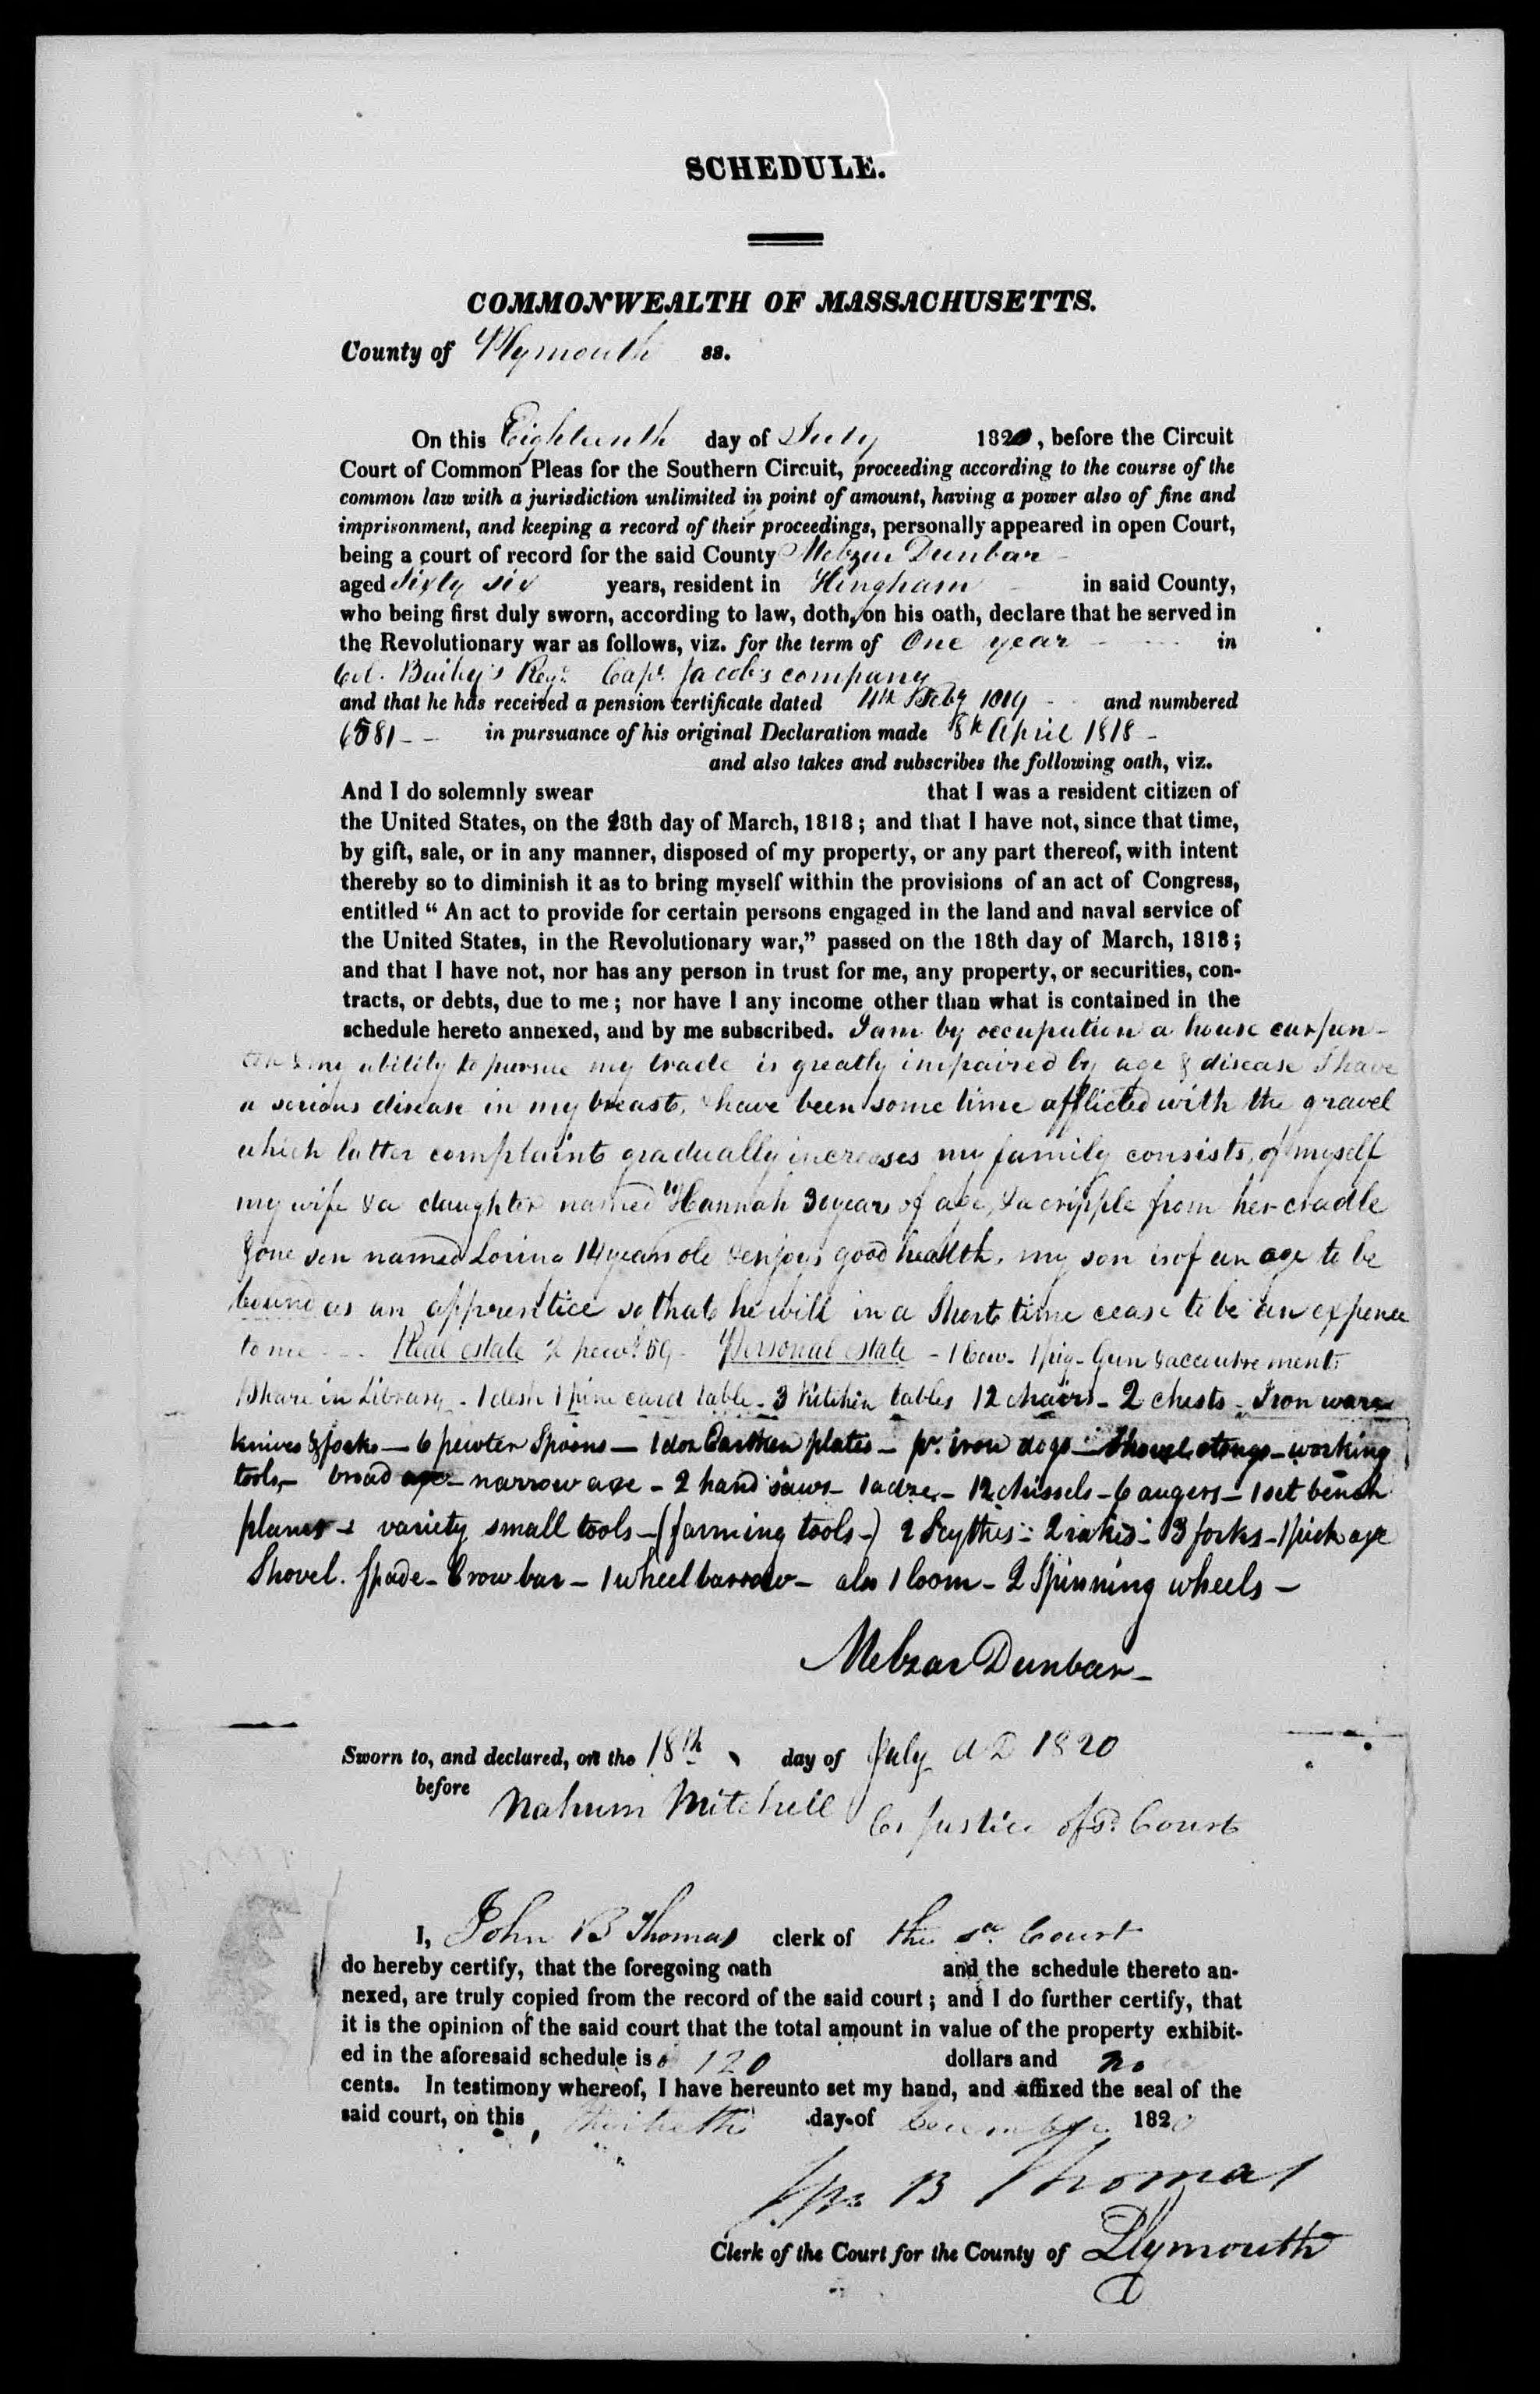Schedule

Commonwealth of Massachusetts

County of Plymouth ss.

On this Eighteenth day of July 1820, before the Circuit Court of Common Pleas for the Southern Circuit, proceeding according to the course of the common law with a jurisdiction unlimited in point of amount, having a power also of fine and imprisonment, and keeping a record of their proceedings, personally appeared in open Court,  being a court of record for the said County Melzar Dunbar aged sixty six years, resident in Hingham in said County, who being first duly sworn, according to law, doth, on his oath, declare that he served in the Revolutionary war as follows, viz. for the term of one year in Col. Bailey's Regt. Capt. Jacob's company and that he had received a pension certificate dated 4th February 1819 and numbered 6581 in pursuance of his original Declaration made 8th April 1818 and also take and subscribes the following oath, viz.

And I do solemnly swear that I was a resident citizen of the United States, on the 18th day of March, 1818; and that I have not, since that time, by gift, sale, or in any manner, disposed of my property, or any part thereof, with intent thereby so to diminish it as to bring myself within the provisions of an act of Congress, entitled "An act to provide for certain  persons engaged in the land and naval service of the United States, in the Revolutionary war," passed on the 14th day of March, 1818; and that I have not, nor has any person in trust for me, any property, or securities, contracts, or debts, due to me: nor have I any income than what is contained in the schedule hereto annexed, and by me subscribed.  
I am by occupation a house ? my ability to pursue my trade is greatly impaired by age and disease I have a serious disease in my breast, I have been some time afflicted with the gravel which latter complaints gradually increases. my family consists of myself, my wife and a daughter named Hannah 30 years of age, a cripple from her cradle, one son named Loring 14 years old enjoys good health, my son is of an age to be bound as an apprentice so that he will in a short time cease to be an expense to me
Real Estate - 2 ?
Personal Estate - 1 Cow, 1 pig, Gun and accoutrements
1 Share in Library
1 desk, 1 pine card table, 3 kitchen tables, 12 chairs, 2 chests, Iron ware, knives and forks, 6 pewter spoons, 1 doz. Earthen plates, pair iron dogs, 1 shovel and tongs, working tools, broad axe, narrow axe, 2 hand saws 1 adze, 12 chisels, 6 augers, 1 set bench planes, and variety small tools, (farming tools) 2 Scythes, 2 rakes, 3 forks, 1 pick axe, shovel, spade, Crow bar, 1 wheelbarrow, also 1 loon, 2 spinning wheels

Melzar Dunbar

Sworn to, and declared, on the 18th day of July  AD 1820 before
Nahum Mitchell 
Co. Justcie for said Court

I John B. Thomas Clerk of the said Court do hereby certify, that the foregoing oath and the schedule thereto annexed, are truly copied from the record of said court; and I do further certify, that it is the opinion of the said court that the total amount in value of the property exhibited in the aforesaid schedule is $120 dollars and no cents.  In testimony whereof, I have hereunto set my hand, and affixed the seal of the said court, on this thirtieth day of December 1820.

John B. Thomas
Clerk of the Court for the County of Plymouth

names: Melzar Dunbar, John B Thomas, Jno B Thomas, Hannah, Melzar Dunbar, Nahum Mitchell, Loring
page: 8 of 26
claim: widow's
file: W. 14657, Melzar Dunbar, Mass.